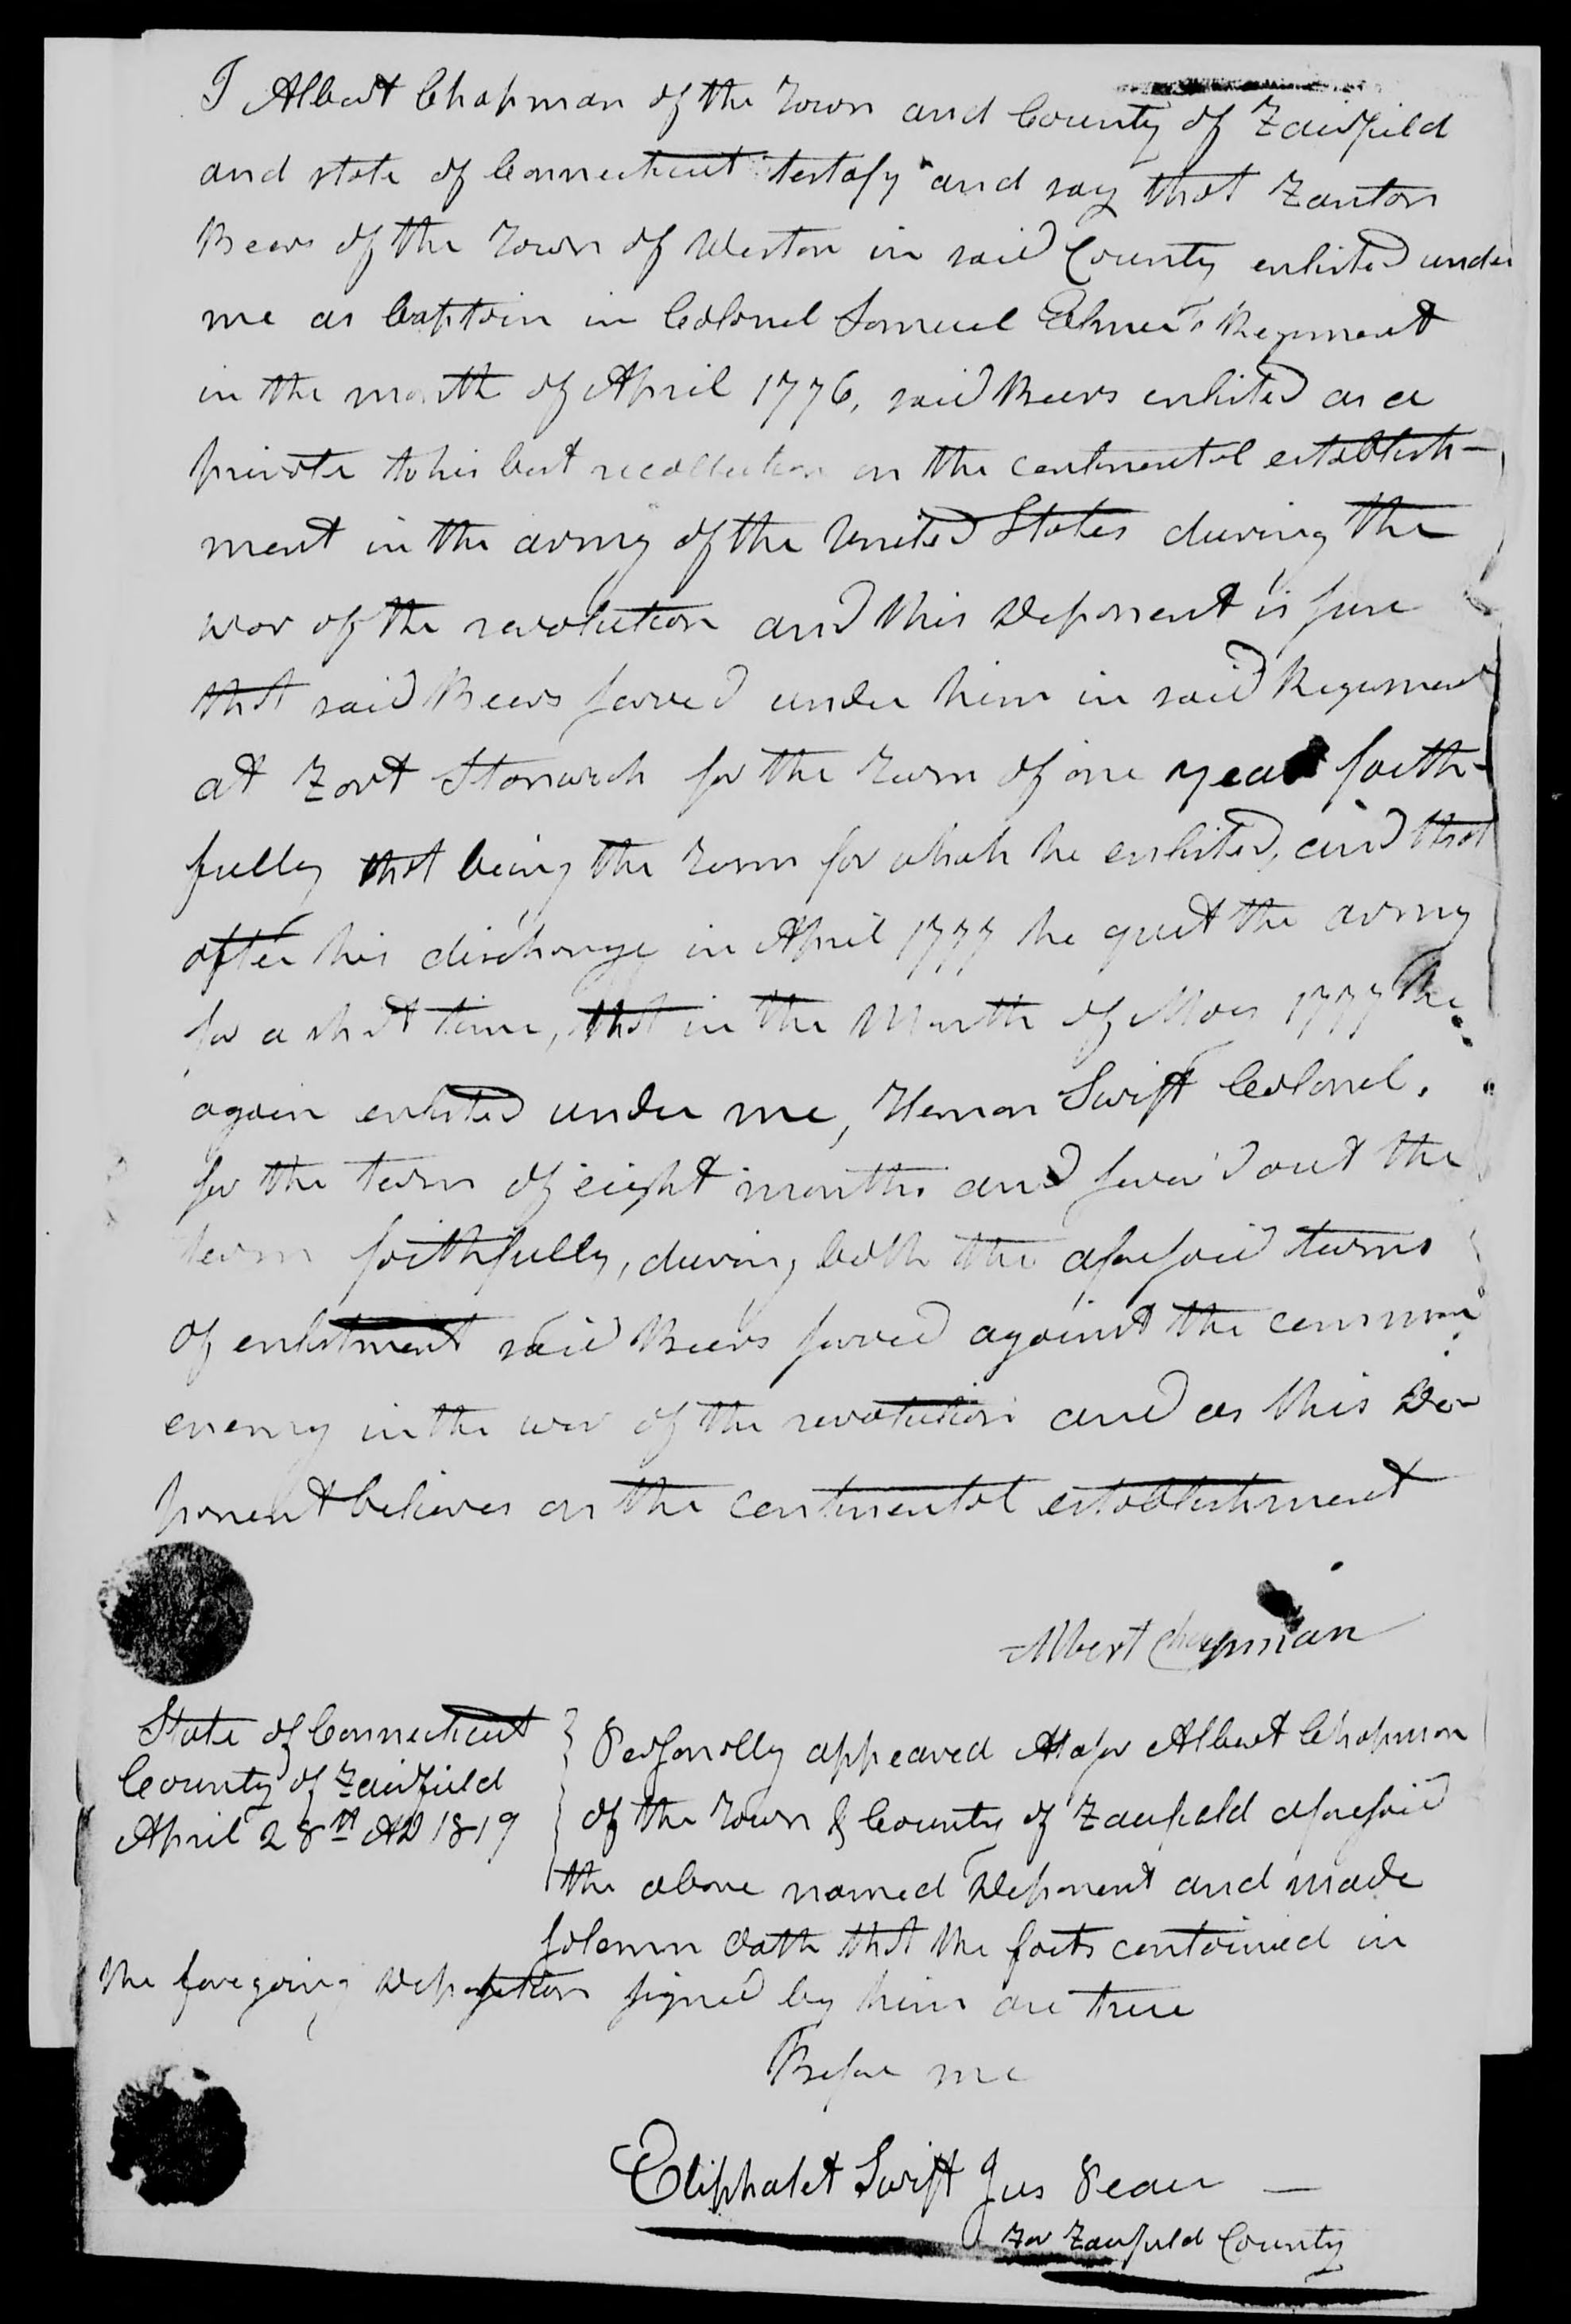I Albert Chapman of the Town and County of Fairfield and State of Connecticut testify and say that Fanton Beers of the Town of Weston in said County enlisted under me as Captain in Colonel Samuel Palmers Regiment in the month of April 1776, said Beers enlisted as a private to his best recollection on the Continental enlistment in the army of the United States during the War of the revolution and this Deponent in June that said Beers served under him in said Regiment at Fort Stonewich for the term of one year faithfully that being the term for which he enlisted and that after his discharge in April 1777 he quit the army for a short time, that in the Month of May 1777 he again enlisted under me, Heman Swift Colonel, for the term of eight month and served out the term faithfully,   during both the aforesaid terms of enlistment said Beers served against the common enemy with war of the revolution and as this deponent believes on the Continental establishment. 
Albert Chapman

State of Connecticut
County of Fairfield
April 28th AD 1819

Personally appeared Major Albert Chapman of the Town & County of Fairfield aforesaid the above named deponent and made solemn oath that the forts continued in the foregoing deposition signed by him are there. 
Before me

Eliphalet Swift Jus. Peace
for Fairfield County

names: Albert Chapman, Albert Chapman, Beers, Fanton Beers, Beers, Albert Chapman, Beers, Eliphalet Swift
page: 17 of 23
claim: survivor's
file: S. 37,750, Fanton Beers, Conn.